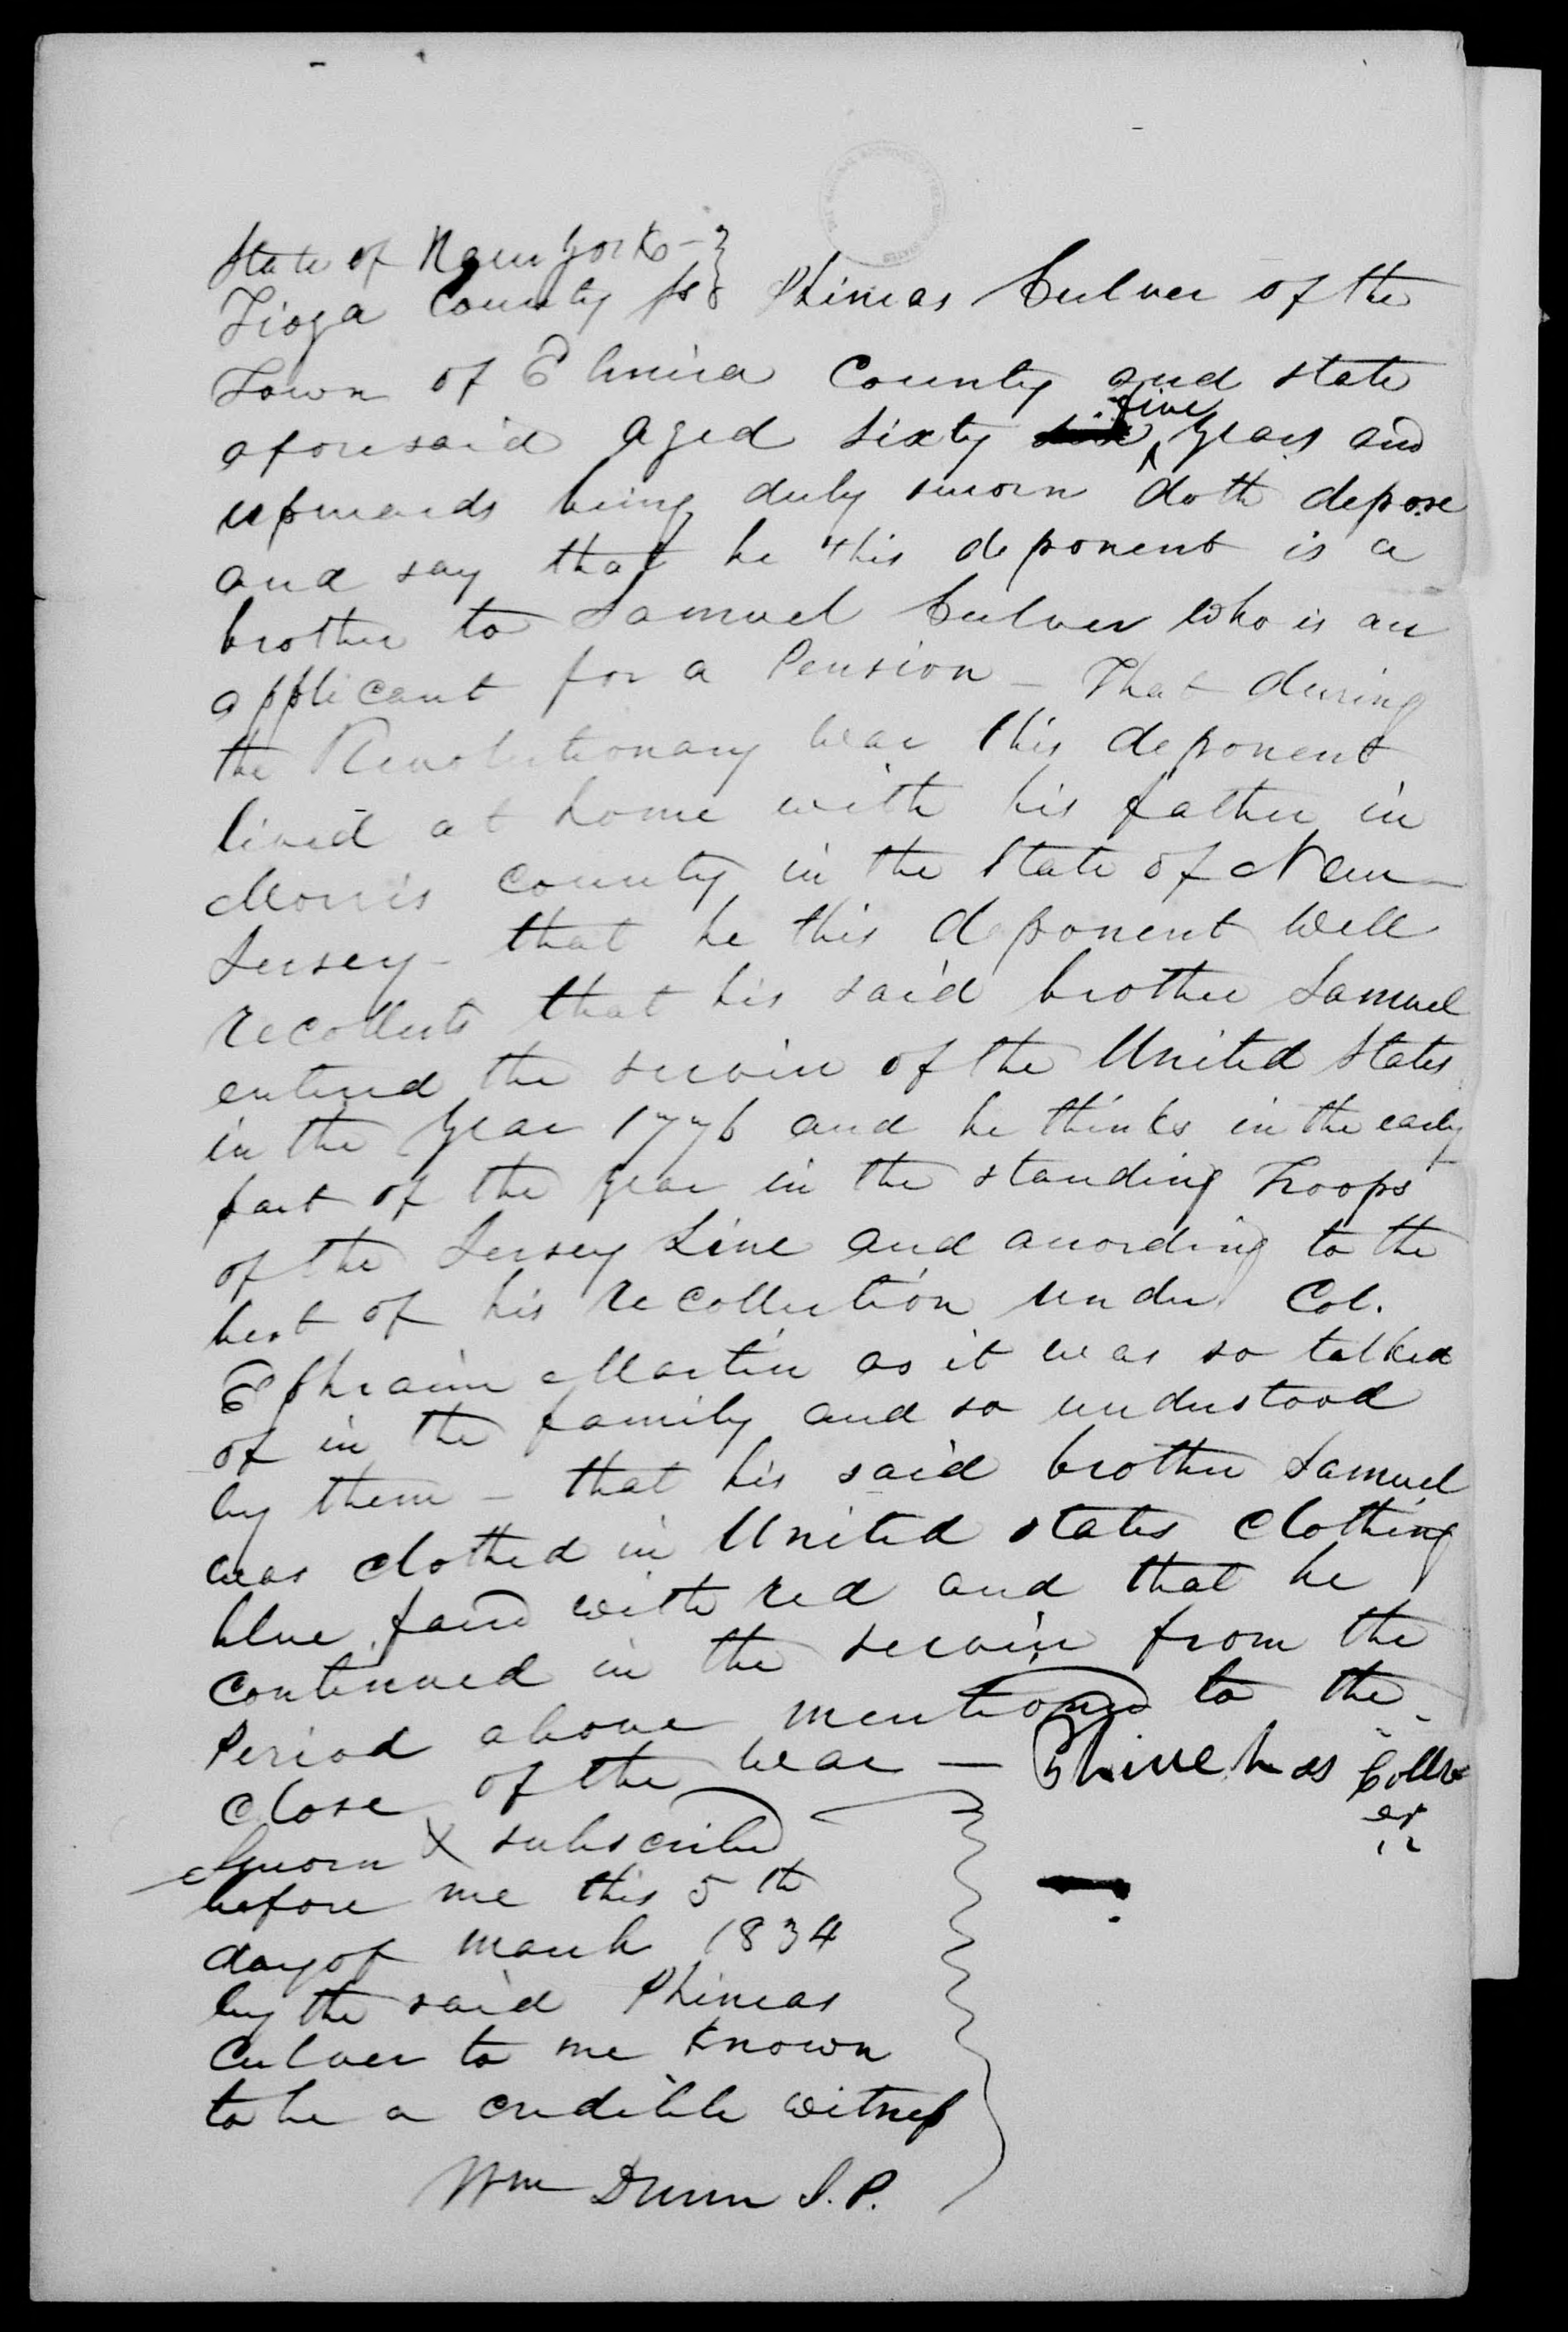State of New York –  )
Tioga County ss.        )			[stamp – The National Archives of the United States]

Phineas Culver of the
Town of Elmira County and state
aforesaid aged Sixty five [six crossed out] years and
upwards being duly sworn doth depos
and say that he this deponent is a 
brother to Samuel Culver who is an
applicant for a Pension – That during 
the Revolutionary War this deponent well
recollects that his said brother Samuel
enlisted the service of the United States
in the year 1776 and he thinks in the early 
part of the year in the standing Troops 
of the Jersey Line and according to the 
best of his recollection under Co.
Ephraim Martin as it was so talked
of in the family and so understood
by them – that his said brother Samuel
was clothed in United States clothing
blue pants with red and that he
continued in the service from the 
Period above mentioned to the
close of the war – 

Phineas Culver [signature]

Sworn & subscribed 
before me this 5th
day of March 1834
by the said Phineas
Culver to me known
to be a credible witness
 WM Dunn [signature] J.P.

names: Samuel Culver, Samuel, Wm Dunn, Samuel, Phineas Culver, Phineas Culver, Ephraim Martin, Phinehas Collver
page: 29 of 40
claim: rejected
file: R. 1,570, Samuel Culver, New Jersey